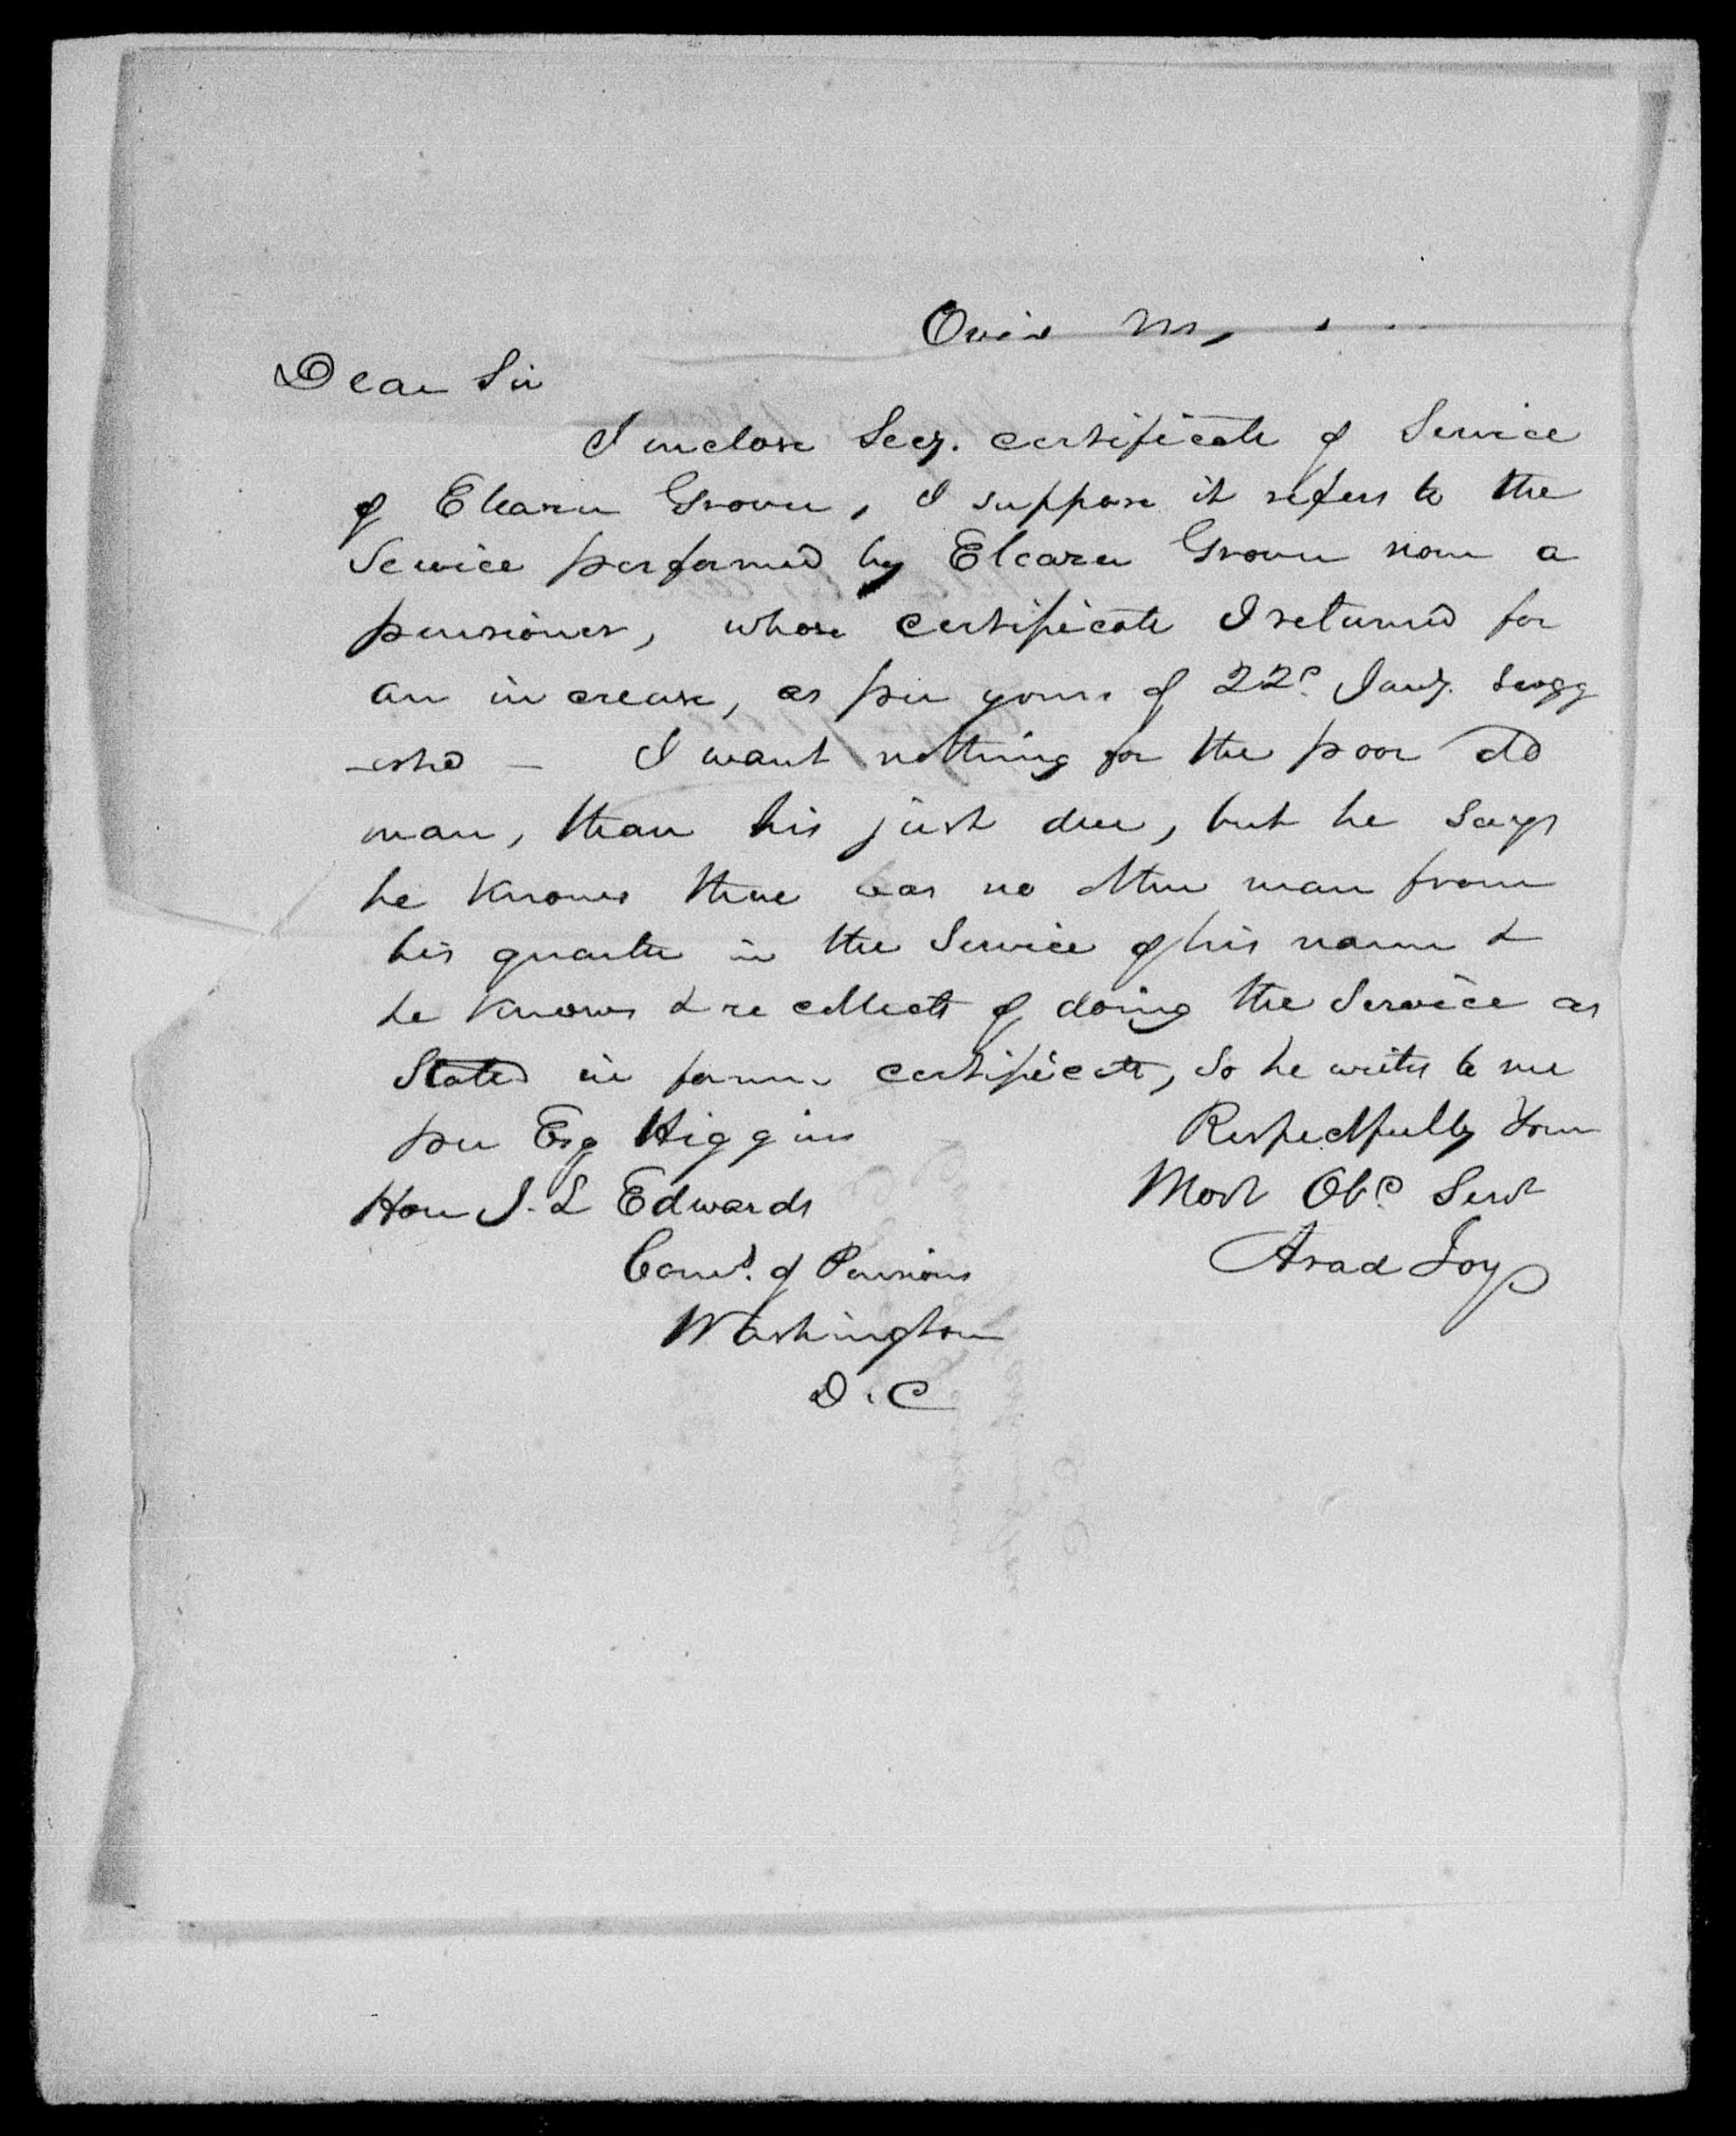[handwritten letter]
Ovid [date obscured]

Dear Sir
I enclose Sec'y certificate of Service of Eleazer Grover, I suppose it refers to the Service performed by Eleazer Grover now a pensioner, whose certificate I returned for an increase, as per yours of 22d Jany suggested - I want nothing for the poor old man, than his just due, but he says he knows there was no other man from his quarter in the Service of his name & he knows & recollects of doing the Service as Stated in former certificates, so he writes to me for Esq. Higgins 
Respectfully Your Most Ob't Serv't
/s/Arad Joy

Hon J. L. Edwards
Com'r of Pensions
Washington D.C.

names: Arad Joy, Higgins, Eleazer Grover, J L Edwards, Eleazer Grover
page: 19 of 43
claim: survivor's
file: S. 28748, Eleazer Grover, Continental Mass. Vt.